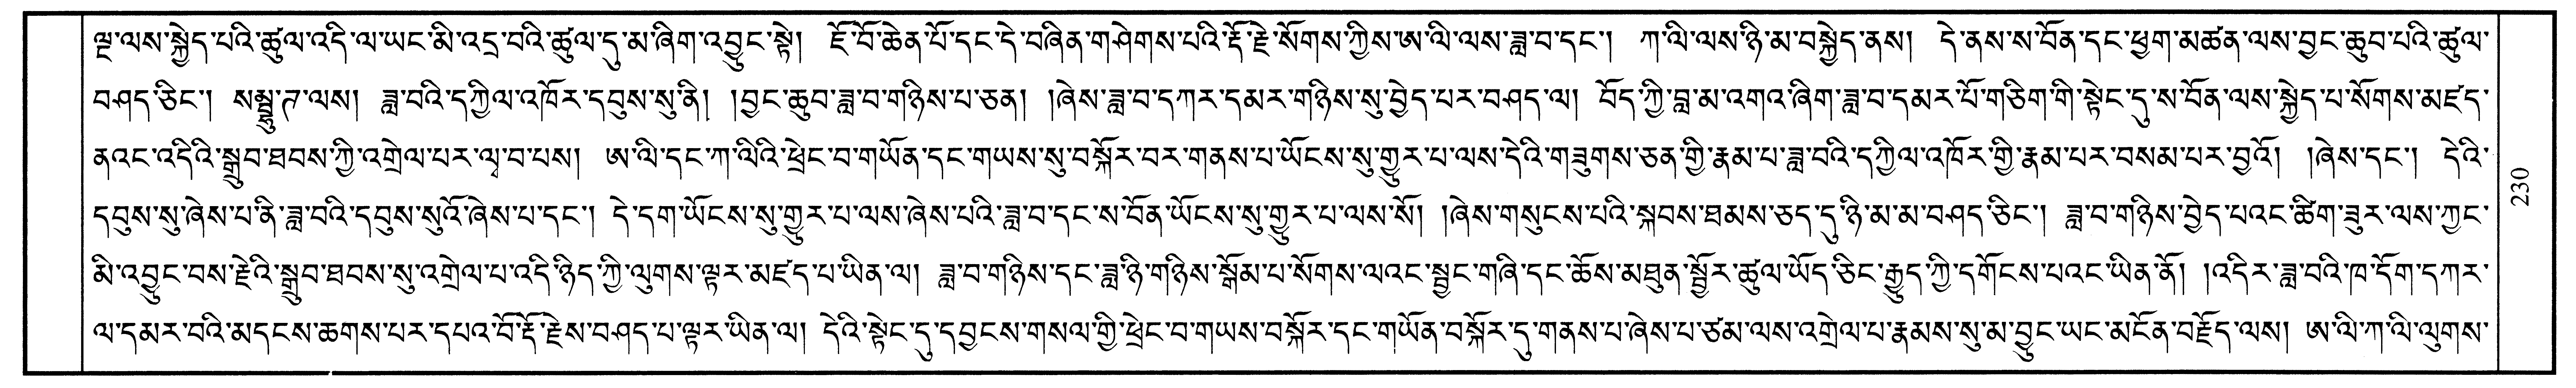ལྔ་ལས་སྐྱེད་པའི་ཚུལ་འདི་ལ་ཡང་མི་འདྲ་བའི་ཚུལ་དུ་མ་ཞིག་འབྱུང་སྟེ། ཇོ་བོ་ཆེན་པོ་དང་དེ་བཞིན་གཤེགས་པའི་རྡོ་རྗེ་སོགས་ཀྱིས་ཨ་ལི་ལས་ཟླ་བ་དང་། ཀ་ལི་ལས་ཉི་མ་བསྐྱེད་ནས། དེ་ནས་ས་བོན་དང་ཕྱག་མཚན་ལས་བྱང་ཆུབ་པའི་ཚུལ་
བཤད་ཅིང་། སམྦྷུ་ཊ་ལས། ཟླ་བའི་དཀྱིལ་འཁོར་དབུས་སུ་ནི། །བྱང་ཆུབ་ཟླ་བ་གཉིས་པ་ཅན། །ཞེས་ཟླ་བ་དཀར་དམར་གཉིས་སུ་བྱེད་པར་བཤད་ལ། བོད་ཀྱི་བླ་མ་འགའ་ཞིག་ཟླ་བ་དམར་པོ་གཅིག་གི་སྟེང་དུ་ས་བོན་ལ་སྐྱེད་པ་སོགས་མཛད་
ནའང་འདིའི་སྒྲུབ་ཐབས་ཀྱི་འགྲེལ་པར་ལྭ་བ་པས། ཨ་ལི་དང་ཀ་ལིའི་ཕྲེང་བ་གཡོན་དང་གཡས་སུ་བསྐོར་བར་གནས་པ་ཡོངས་སུ་གྱུར་པ་ལས་དེའི་གཟུགས་ཅན་གྱི་རྣམ་པ་ཟླ་བའི་དཀྱིལ་འཁོར་གྱི་རྣམ་པར་བསམ་པར་བྱའོ། །ཞེས་དང་། དེའི་
དབུས་སུ་ཞེས་པ་ནི་ཟླ་བའི་དབུས་སུའོ་ཞེས་པ་དང་། དེ་དག་ཡོངས་སུ་གྱུར་པ་ལས་ཞེས་པའི་ཟླ་བ་དང་ས་བོན་ཡོངས་སུ་གྱུར་པ་ལས་སོ། །ཞེས་གསུངས་པའི་སྐབས་ཐམས་ཅད་དུ་ཉི་མ་མ་བཤད་ཅིང་། ཟླ་བ་གཉིས་བྱེད་པའང་ཚིག་ཟུར་ལས་ཀྱང་
མི་འབྱུང་བས་རྗེའི་སྒྲུབ་ཐབས་སུ་འགྲེལ་པ་འདི་ཉིད་ཀྱི་ལུགས་ལྟར་མཛད་པ་ཡིན་ལ། ཟླ་བ་གཉིས་དང་ཟླ་ཉི་གཉིས་སྒོམ་པ་སོགས་ལའང་སྦྱང་གཞི་དང་ཆོས་མཐུན་སྦྱོར་ཚུལ་ཡོད་ཅིང་རྒྱུད་ཀྱི་དགོངས་པའང་ཡིན་ནོ། །འདིར་ཟླ་བའི་ཁ་དོག་དཀར་
ལ་དམར་བའི་མདངས་ཆགས་པར་དཔའ་བོ་རྡོ་རྗེས་བཤད་པ་ལྟར་ཡིན་ལ། དེའི་སྟེང་དུ་དབྱངས་གསལ་གྱི་ཕྲེང་བ་གཡས་བསྐོར་དང་གཡོན་བསྐོར་དུ་གནས་པ་ཞེས་པ་ཙམ་ལས་འགྲེལ་པ་རྣམས་སུ་མ་བྱུང་ཡང་མངོན་བརྗོད་ལས། ཨ་ལི་ཀ་ལི་ལུགས་